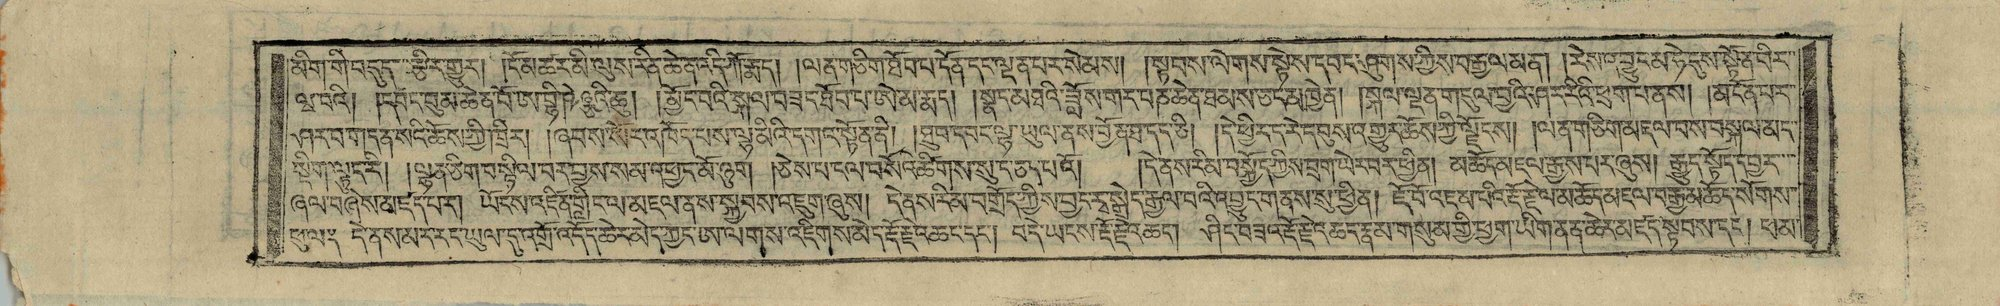མིག་གི་བདུད་རྩིར་གྱུར། །ངོ་མཚར་མི་ལུས་རིན་ཆེན་འདི་ཀོ་རྨད། །ལན་གཅིག་ཐོབ་པ་དོན་དང་ལྡན་པར་སེམས། །སྟབས་ལེགས་སྟེས་དབང་ཤུགས་ཀྱིས་བརྒྱ་ལམ་ན། །རེས་འབྱུང་མ་ཧེ་དུས་སྟོན་བིར་
ལྭ་བའི། །དབང་བུམ་ཆེན་པོ་ཨ་བྷི་ཥེཉྩའི་ཆུ། །མྱོང་བའི་སྐལ་བཟང་ཐོབ་པ་ཨེ་མ་རྨད། །སྣང་མཐའི་ཟློས་གར་པཎ་ཆེན་ཐམས་ཅད་མཁྱེན། །སྐལ་ལྡན་གདུལ་བྱའི་ཤར་རིའི་ཕྲག་པ་ནས། །མངོན་པར་
ཤར་བ་གདན་སའི་ཆོས་ཀྱི་ཁྲིར། །ཞབས་སོར་འཁོད་པས་ལྷ་མིའི་དགའ་སྟོན་ནི། །ཐུབ་དབང་ལྷ་ཡུལ་ནས་བྱོན་ཐ་དད་ཅི། །དེ་ཕྱིར་ད་རེ་དབུས་འགྱུར་ཆོས་ཀྱི་ལྗོངས། །ལན་གཅིག་མཇལ་བས་བསྐལ་མང་
སྡིག་ལྟུང་རི། །ལྷན་ཅིག་བསྟིལ་བར་བྱས་སམ་འཕྱང་མོ་ཉུག །ཅེས་པ་ངལ་བསོའི་ཚིགས་སུ་ང་ཅད་པའོ། །དེ་ནས་རིམ་བསྐྱོད་ཀྱིས་བྲག་ཡེར་བར་ཕྱིན། མཆོད་མཇལ་རྒྱས་པར་ཞུས། རྒྱུད་སྟོད་དབྱར་
ཞལ་བཞེས་མཛད་པར། ཡོངས་འཛིན་གླིང་ལ་མཇལ་ནས་སྐྱབས་འཇུག་ཞུས། དེ་ནས་རིམ་བགྲོད་ཀྱིས་བྱང་རྭ་སྒྲེད་རྒྱལ་བའི་འབྱུང་གནས་སུ་ཕྱིན། ཇོ་བོ་འཇམ་པའི་རྡོ་རྗེ་ལ་མཆོད་མཇལ་བརྒྱ་མཆོད་སོགས་
ཕུལ༑ དེ་ནས་མར་རང་ཡུལ་དུ་འགྲོ་འདོད་ཆེར་མེད་ཀྱང་ཨ་ལགས་འཇིགས་མེད་རྡོ་རྗེ་འཆང་དང་། བདེ་ཡངས་རྡོ་རྗེ་འཆང་། ཤིང་བཟའ་རྡོ་རྗེ་འཆང་རྣམ་གསུམ་གྱི་ཕྱག་ཡིག་ནན་ཆེར་མཛད་སྟབས་དང་། ཕ་མ་